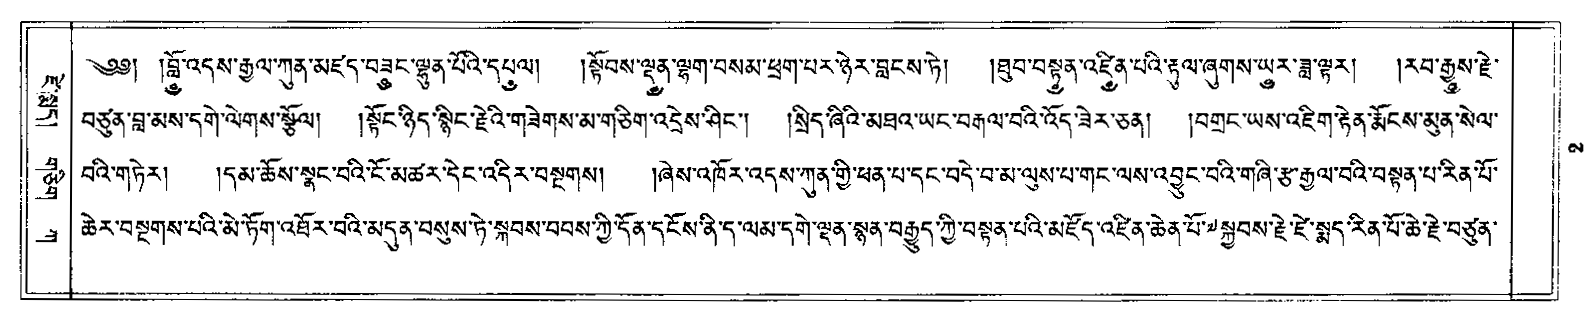༄༅། །བློ་འདས་རྒྱལ་ཀུན་མཛད་བཟང་ལྷུན་པོའི་དཔལ། །སྟོབས་ལྡན་ལྷག་བསམ་ཕྲག་པར་ཉེར་བླངས་ཏེ། །ཐུབ་བསྟན་འཛིན་པའི་རྟུལ་ཞུགས་ཡར་ཟླ་ལྟར། །རབ་རྒྱས་རྗེ་
བཙུན་བླ་མས་དགེ་ལེགས་སྩོལ། །སྟོང་ཉིད་སྙིང་རྗེའི་གཟེགས་མ་གཅིག་འདྲེས་ཤིང་། །སྲིད་ཞིའི་མཐའ་ཡང་བརྒལ་བའི་འོད་ཟེར་ཅན། །བགྲང་ཡས་འཇིག་རྟེན་རྨོངས་མུན་སེལ་
བའི་གཏེར། །དམ་ཆོས་སྣང་བའི་ངོ་མཚར་དེང་འདིར་བསྔགས། །ཞེས་འཁོར་འདས་ཀུན་གྱི་ཕན་པ་དང་བདེ་བ་མ་ལུས་པ་གང་ལས་འབྱུང་བའི་གཞི་རྩ་རྒྱལ་བའི་བསྟན་པ་རིན་པོ་
ཆེར་བསྔགས་པའི་མེ་ཏོག་འཐོར་བའི་མདུན་བསུས་ཏེ་སྐབས་བབས་ཀྱི་དོན་དངོས་ནི་ད་ལམ་དགེ་ལྡན་སྙན་བརྒྱུད་ཀྱི་བསྟན་པའི་མཛོད་འཛིན་ཆེན་པོ་༧་སྐྱབས་རྗེ་ཛེ་སྨད་རིན་པོ་ཆེ་རྗེ་བཙུན་